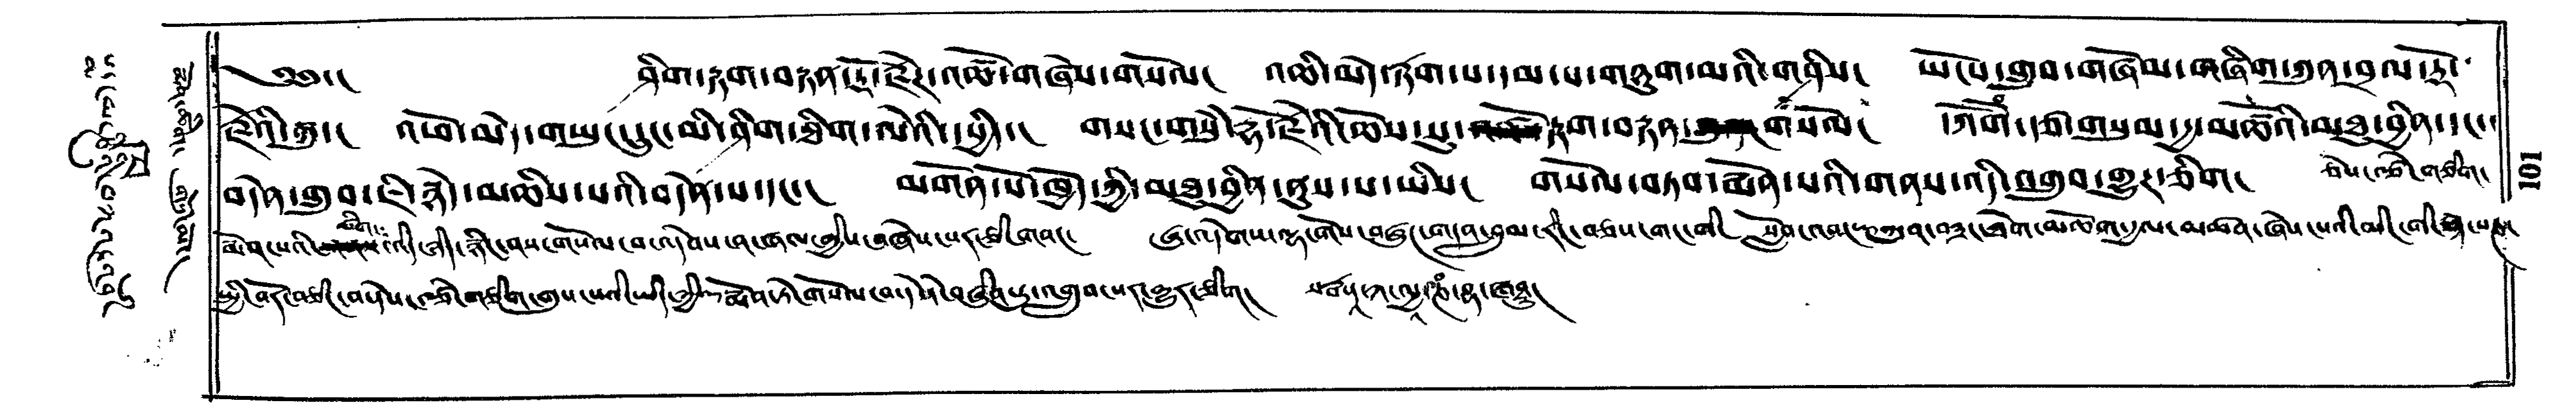ཤིགས་རྟག་བརྟན་རྡོ་རྗེར་འཚོ་གཞེས་གསོལ། །འཆི་མེད་རྟག་པ་དམ་པ་གཉུག་མའི་གཤིས། །ཡོངས་གྲུབ་གཞོམ་གཞིག་ཀུན་བྲལ་
རྡོ་རྗེའི་སྐུ། །འཕོ་མེད་གཡུང་དྲུང་མི་ཤིགས་ཐིག་ལེའི་དཔྱིད། །གསང་གསུམ་རྡོ་རྗེའི་ཆོས་སུ་རྟག་བརྟན་གསོལ། །དཀོན་མཆོག་རྩ་གསུམ་རྒྱ་མཚོའི་མཐུ་བྱིན་དང་། །
བདེན་གྲུབ་ཇི་སྙེད་མཆིས་པའི་བདེན་པ་དང་། །མགོན་པོ་ཁྱོད་ཀྱི་མཐུ་བྱིན་ནུས་པ་ཡིས། །གསོལ་བཏབ་སྨོན་པའི་གནས་འདི་འགྲུབ་གྱུར་ཅིག །ཅེས་རྩེ་གཅིག་
སྨོན་པའི་ཚིག་འདི་ཉིད་སྙིང་ནས་གསོལ་བ་འདེབས་ན་ཞལ་གྱིས་བཞེས་པར་ཅི་གནང་། ཞུ་འདེགས་ལྷ་གོས་དང་བཞུགས་གདན་གྲུམ་རིང་བཅས་གང་གི་སློབ་འབངས་ཀུན་བཟང་ཐེག་མཆོག་རྒྱལ་མཚན་ཞེས་པའི་མིང་གི་ཅོད་པན་
སྤྱི་བོར་བཅིངས་པ་དེས་རྩེ་གཅིག་གུས་པའི་ཡིད་ཀྱིས་སྨོན་ཏེ་གསོལ་བར་དེ་དེ་བཞིན་དུ་འགྲུབ་པར་གྱུར་ཅིག སརྦ་དཱ་ཀལ་ཎཾ་བྷ་ཝནྟུ།།